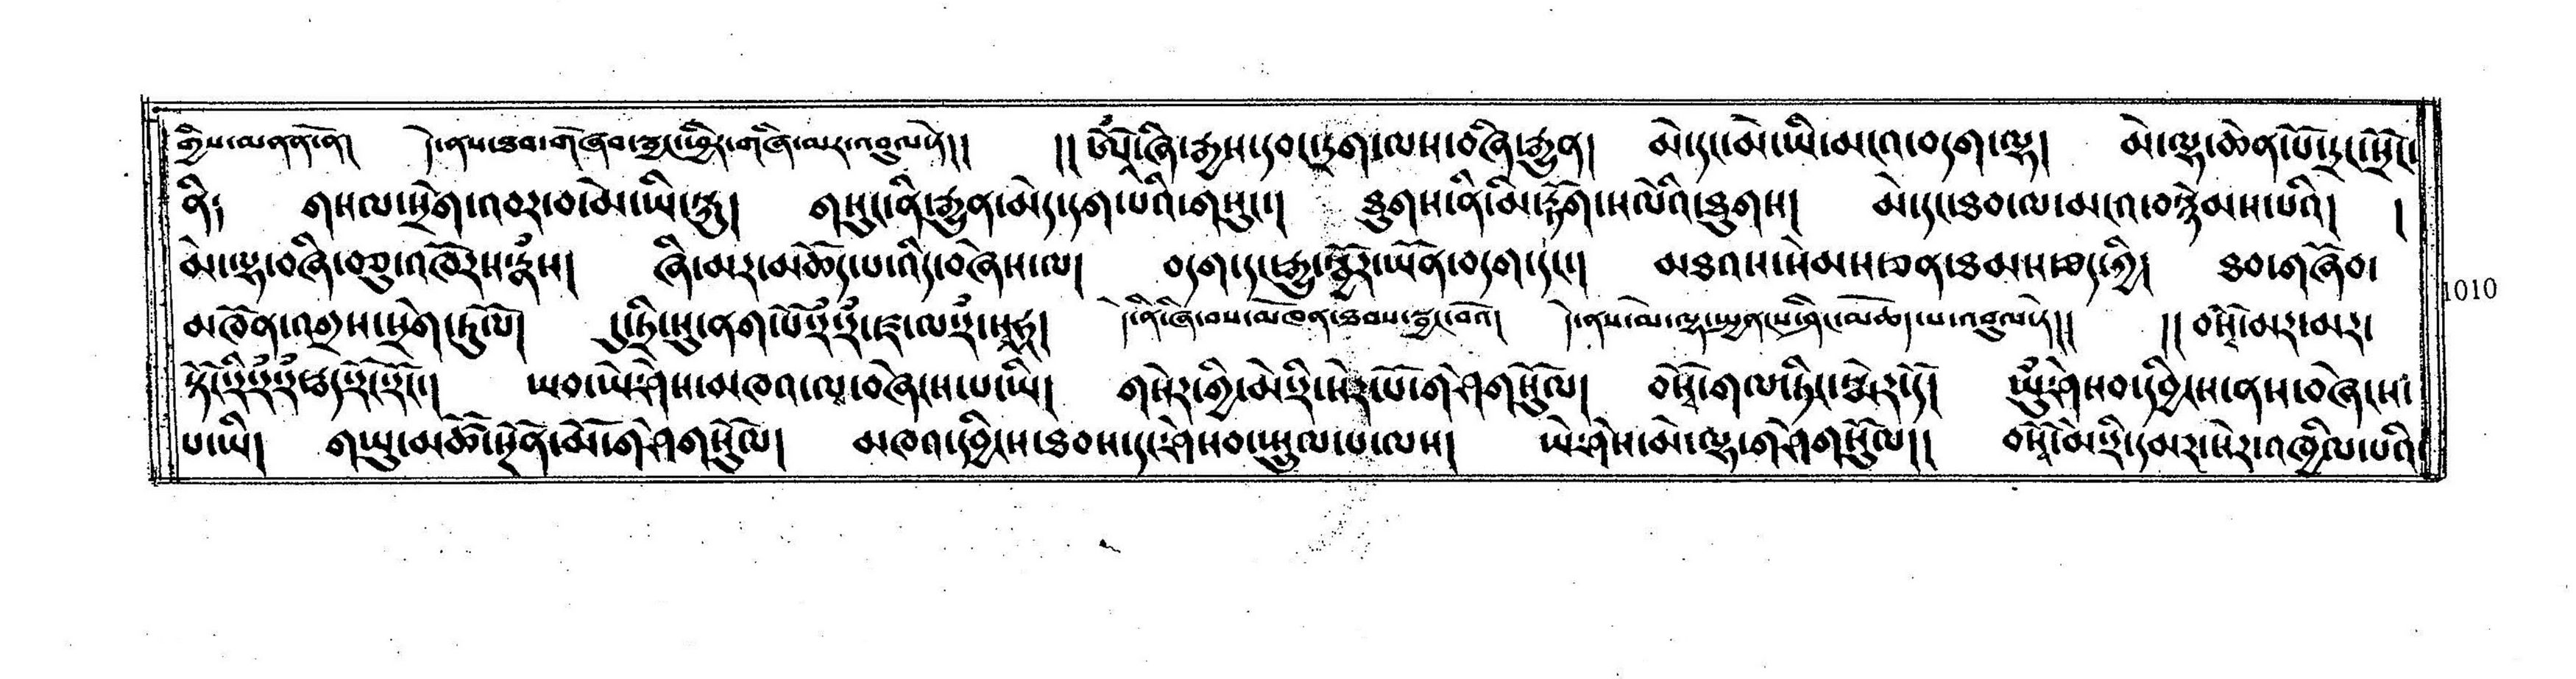གྱིས་མནན་ནོ། དེ་ནས་ཐབ་གཞོབ་སྦྱང་ཕྱིར་གཞི་མར་འབུལ་ཏེ།། །།ཨཱོཾ་ཞི་རྒྱས་དབང་དྲག་ལས་བཞི་རྒྱུན། མེ་དང་མེ་ཡི་མངའ་བདག་ལྷ། མེ་ལྷ་ཆེན་པོ་དྲང་སྲོང་
ནི། གསལ་སྲེག་འབར་བ་མེ་ཡི་སྐུ། གསུང་ནི་རྒྱུན་མེད་དག་པའི་གསུང་། ཐུགས་ནི་མི་རྟོག་སལེའི་ཐུགས། མེ་དང་ཐབ་ལ་མངའ་བསྙེམས་པའི། །
མེ་ལྷ་བཞི་བཅུ་འཁོར་བཅས་རྣམས། ཞི་མར་མཆོད་པ་འདི་བཞེས་ལ། བདག་དང་རྒྱུ་སྦྱོར་ཡོན་བདག་དང་། མཐའ་ཡས་སེམས་ཅན་ཐམས་ཅད་ཀྱི། ཐབ་གཞོབ་
མཁོན་འགྲས་སྲེག་ཏུ་གསོལ། དུ་ཏྲི་སུ་ནག་པོ་རཾ་རཾ་ཛ་ལ་རཾ་སྭཱཧཱ། དེ་ནི་ཞི་བས་མཁོན་ཐབས་སྦྱང་བའོ། དེ་ནས་མེ་ལྷ་སྤྱན་དྲངས་ཤིང་མཆོད་པ་འབུལ་ཏེ།། །།བསྭོ་མར་མར་
སྟོང་རི་རཾ་རཾ་རྦད་རོང་རོང་། ཡབ་ཡེ་ཤེས་མཁའ་ལས་བཞེངས་པ་ཡི། གསེར་གྱི་མེ་རི་སེར་པོ་གཤེགས་སུ་གསོལ། བསྭོ་གལ་ཏིང་སྨར་རོ། ཡུམ་ཤེས་རབ་དབྱིངས་ནས་བཞེངས་
པ་ཡི། གཡུ་མཚོ་སྔོན་མོ་གཤེགས་སུ་གསོལ། མཁའ་དབྱིངས་ཐབས་དང་ཤེས་རབ་སྤྲུལ་པ་ལས། ཡེ་ཤེས་མེ་ལྷ་གཤེགས་སུ་གསོལ།། བསྭོ་མེ་རི་དམར་སེར་འཁྱིལ་པའི་